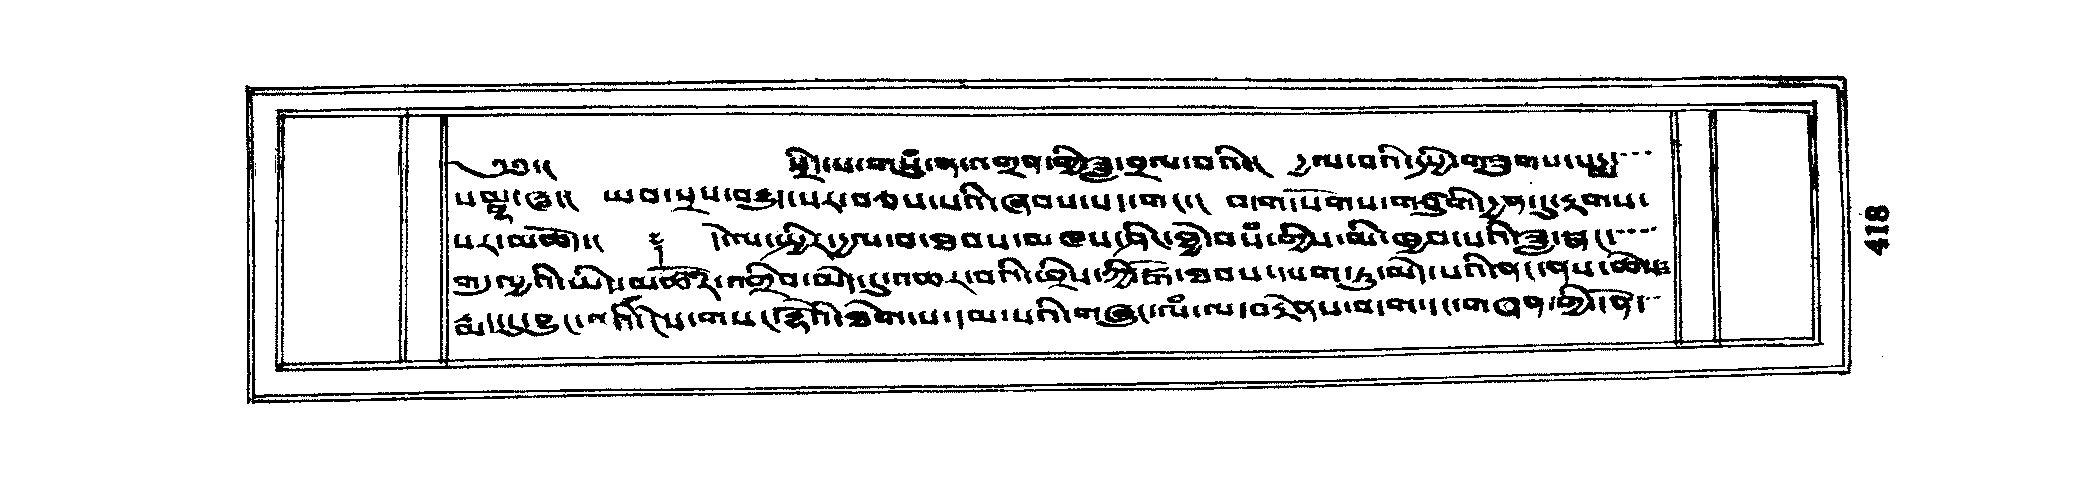སྲིད་པ་གསུམ་ན་འགྲན་གྱི་ཟླ་བྲལ་བའི། །རྒྱལ་བའི་སྤྱི་གཟུགས་པདྨ་
སམྦྷ་ཝ། །ཡབ་སྲས་བརྒྱུད་པར་བཅས་པའི་ཞབས་པད་གང་། །བདག་སོགས་བཙུག་གི་རྒྱན་དུ་རྟག་
པར་མཆོད།། ༈ དེ་ལ་སྤྱིར་རྒྱལ་བ་ཐབས་མཁས་ཤིང་ཐུགས་རྗེ་བསམ་གྱིས་མི་ཁྱབ་པའི་ཟླ་སྣང་
གདུལ་བྱའི་ཡིད་མཚོར་འགྲིབ་མེད་དུ་འཆར་བའི་ཕྲིན་ལས་ཀྱི་སྒོ་ཐབས་དཔག་ཏུ་མེད་པའི་ནང་ནས་ཆེས་
རྨད་དུ་བྱུང་བའི་ངེས་གསང་རྡོ་རྗེའི་ཐེག་པ་དམ་པའི་གཞུང་ལམ་ལ་བརྟེན་ནས་བདག་དང་གཞན་གྱི་དོན་